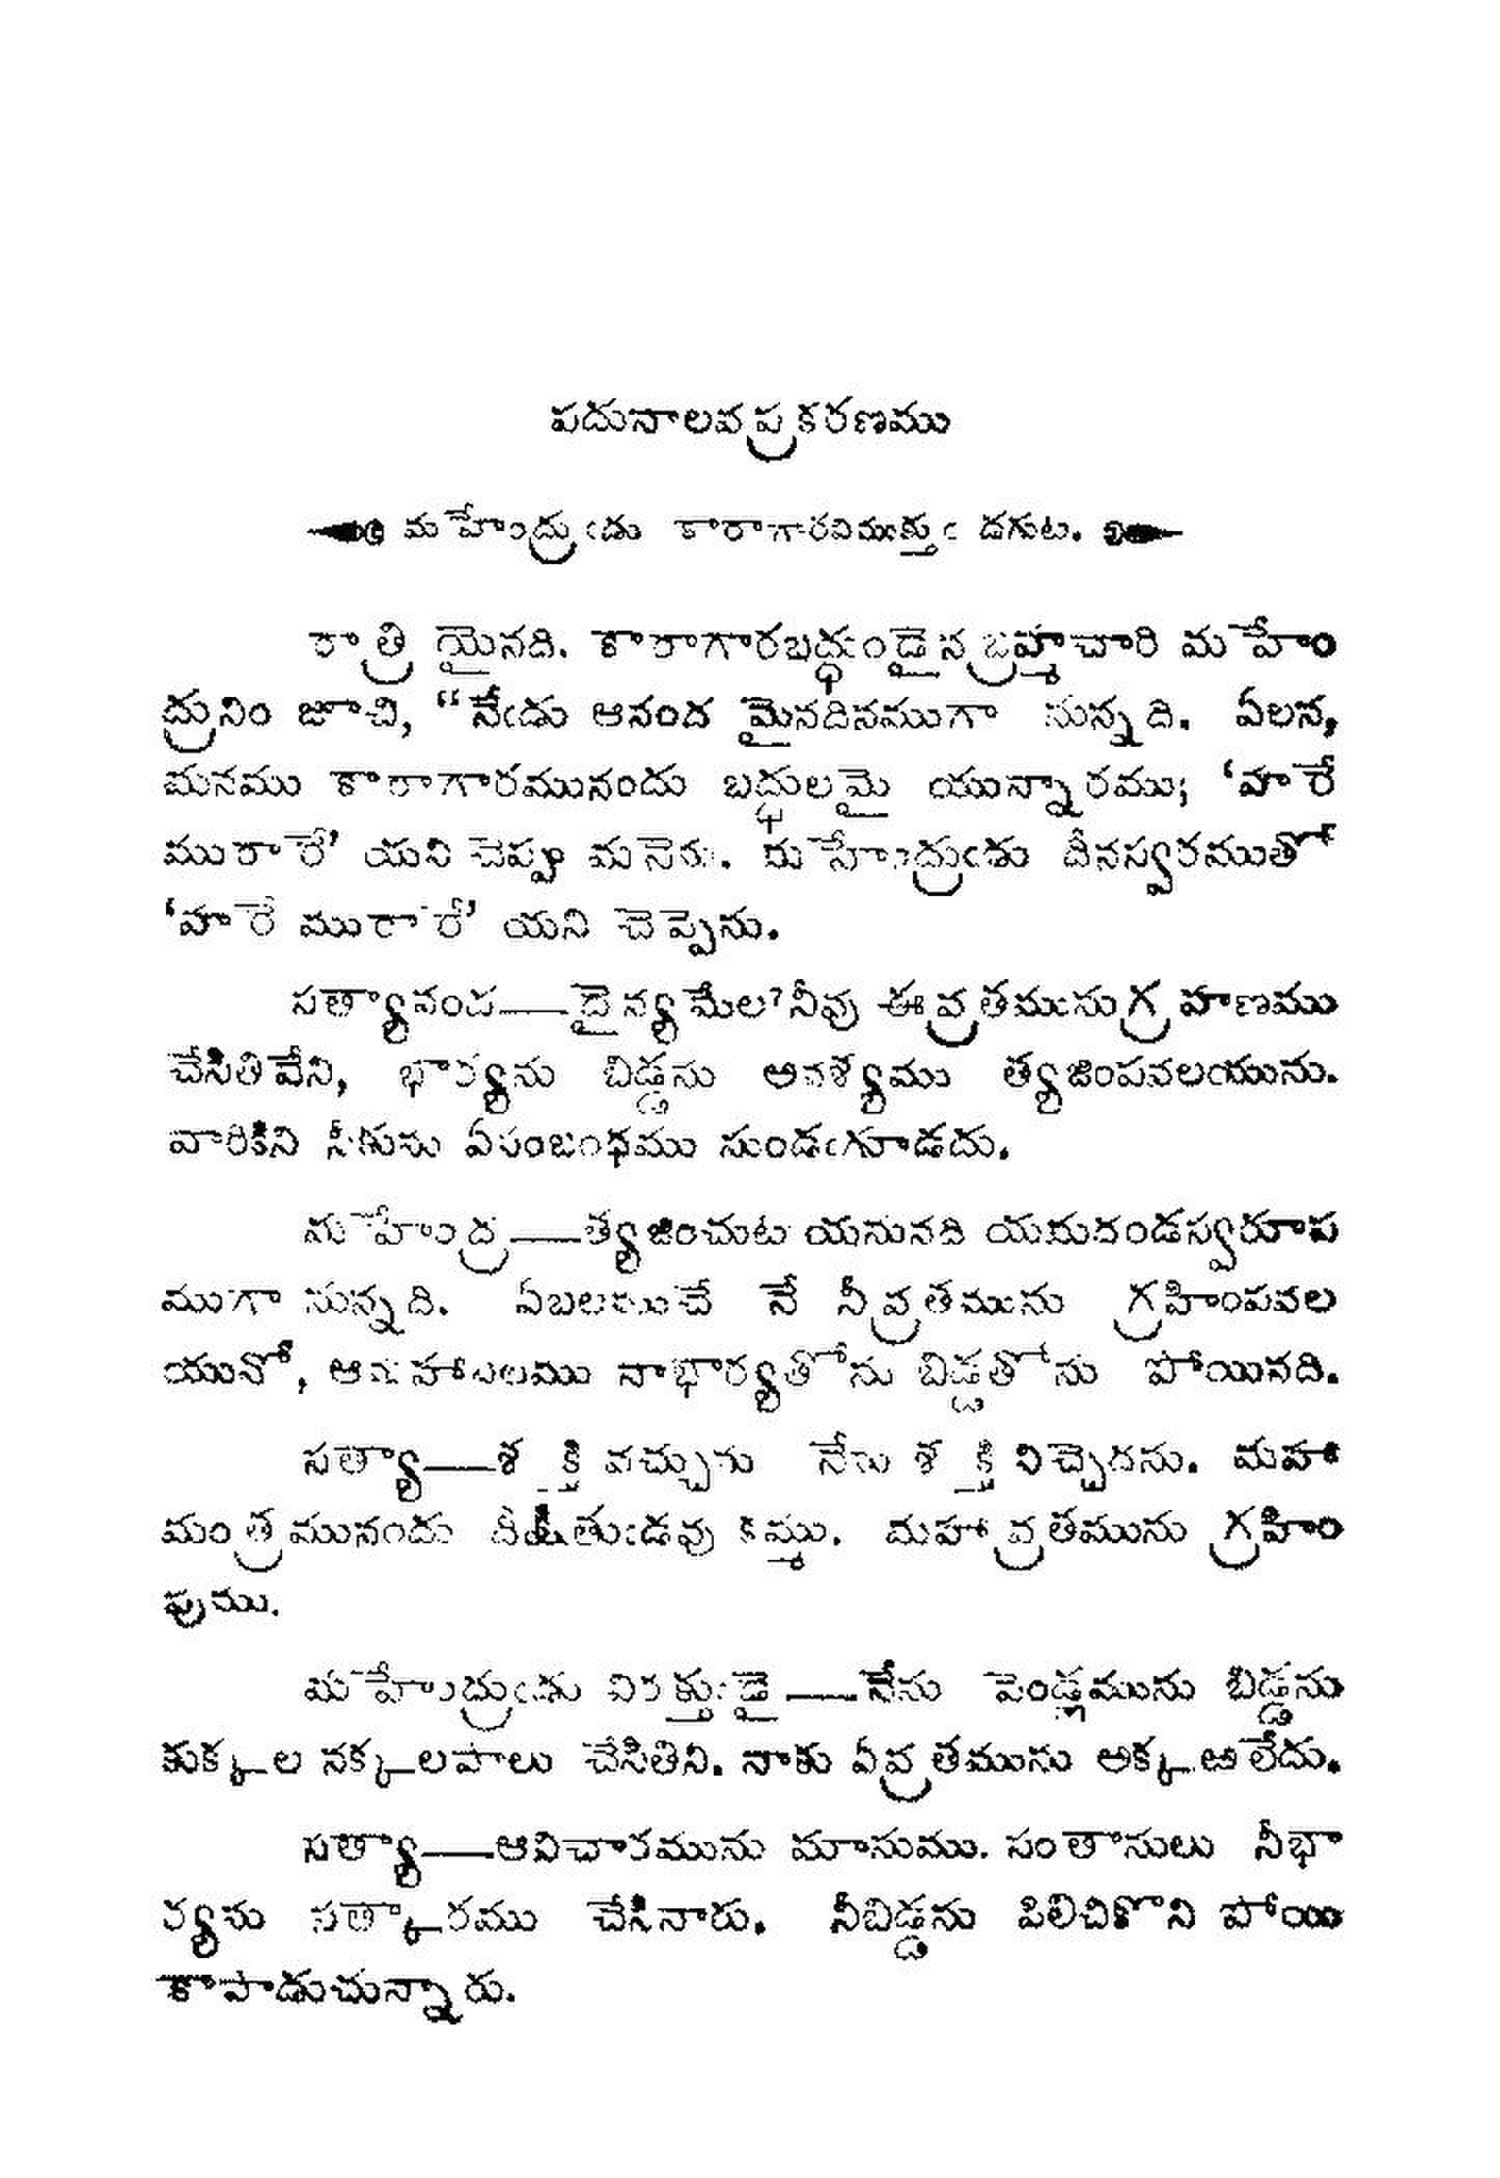పదునాలవ ప్రకరణము

మహేంద్రుఁడు కారాగారవిముక్తుఁ డగుట.

రాత్రి యైనది, కారాగారబద్ధుండైన బ్రహ్మచారి మహేంద్రునిం జూచి, “ నేఁడు ఆనందమైనదినముగా నున్నది. ఏలన, మనము కారాగారమునందు బద్ధులమై యున్నారము; 'హరే మురారే' యని చెప్పు మనెను. మహేంద్రుఁడు దీనస్వరముతో 'హరే మురారే' యని చెప్పెను.

సత్యానంద—— దైన్య మేల? నీవు ఈ వ్రతమును గ్రహణము చేసితి వేని, భార్యను బిడ్డను అవశ్యము త్యజింపవలయును. వారికిని నీకును ఏసంబంధము నుండఁగూడదు.

మహేంద్ర——త్యజించుట యనునది యమదండస్వరూపముగా నున్నది. ఏబలముచే నే నీ వ్రతమును గ్రహింపవలయునో, ఆ మహాబలము నా భార్యతోను బిడ్డతోను పోయినది.

సత్యా——శక్తి వచ్చును నేను శక్తి నిచ్చెదను. మహా మంత్రమునందు దీక్షితుఁడవు కమ్ము. మహా వ్రతమును గ్రహింపుము.

మహేంద్రుఁడు విరక్తుఁదై——నేను పెండ్లమును బిడ్డను కుక్కల నక్కలపాలు చేసితిని. నాకు ఏవ్రతమును అక్కఱ లేదు.

సత్యా—— ఆవిచారమును మానుము. సంతానులు నీభార్యను సత్కారము చేసినారు. నీబిడ్డను పిలిచికొని పోయి కాపాడుచున్నారు.